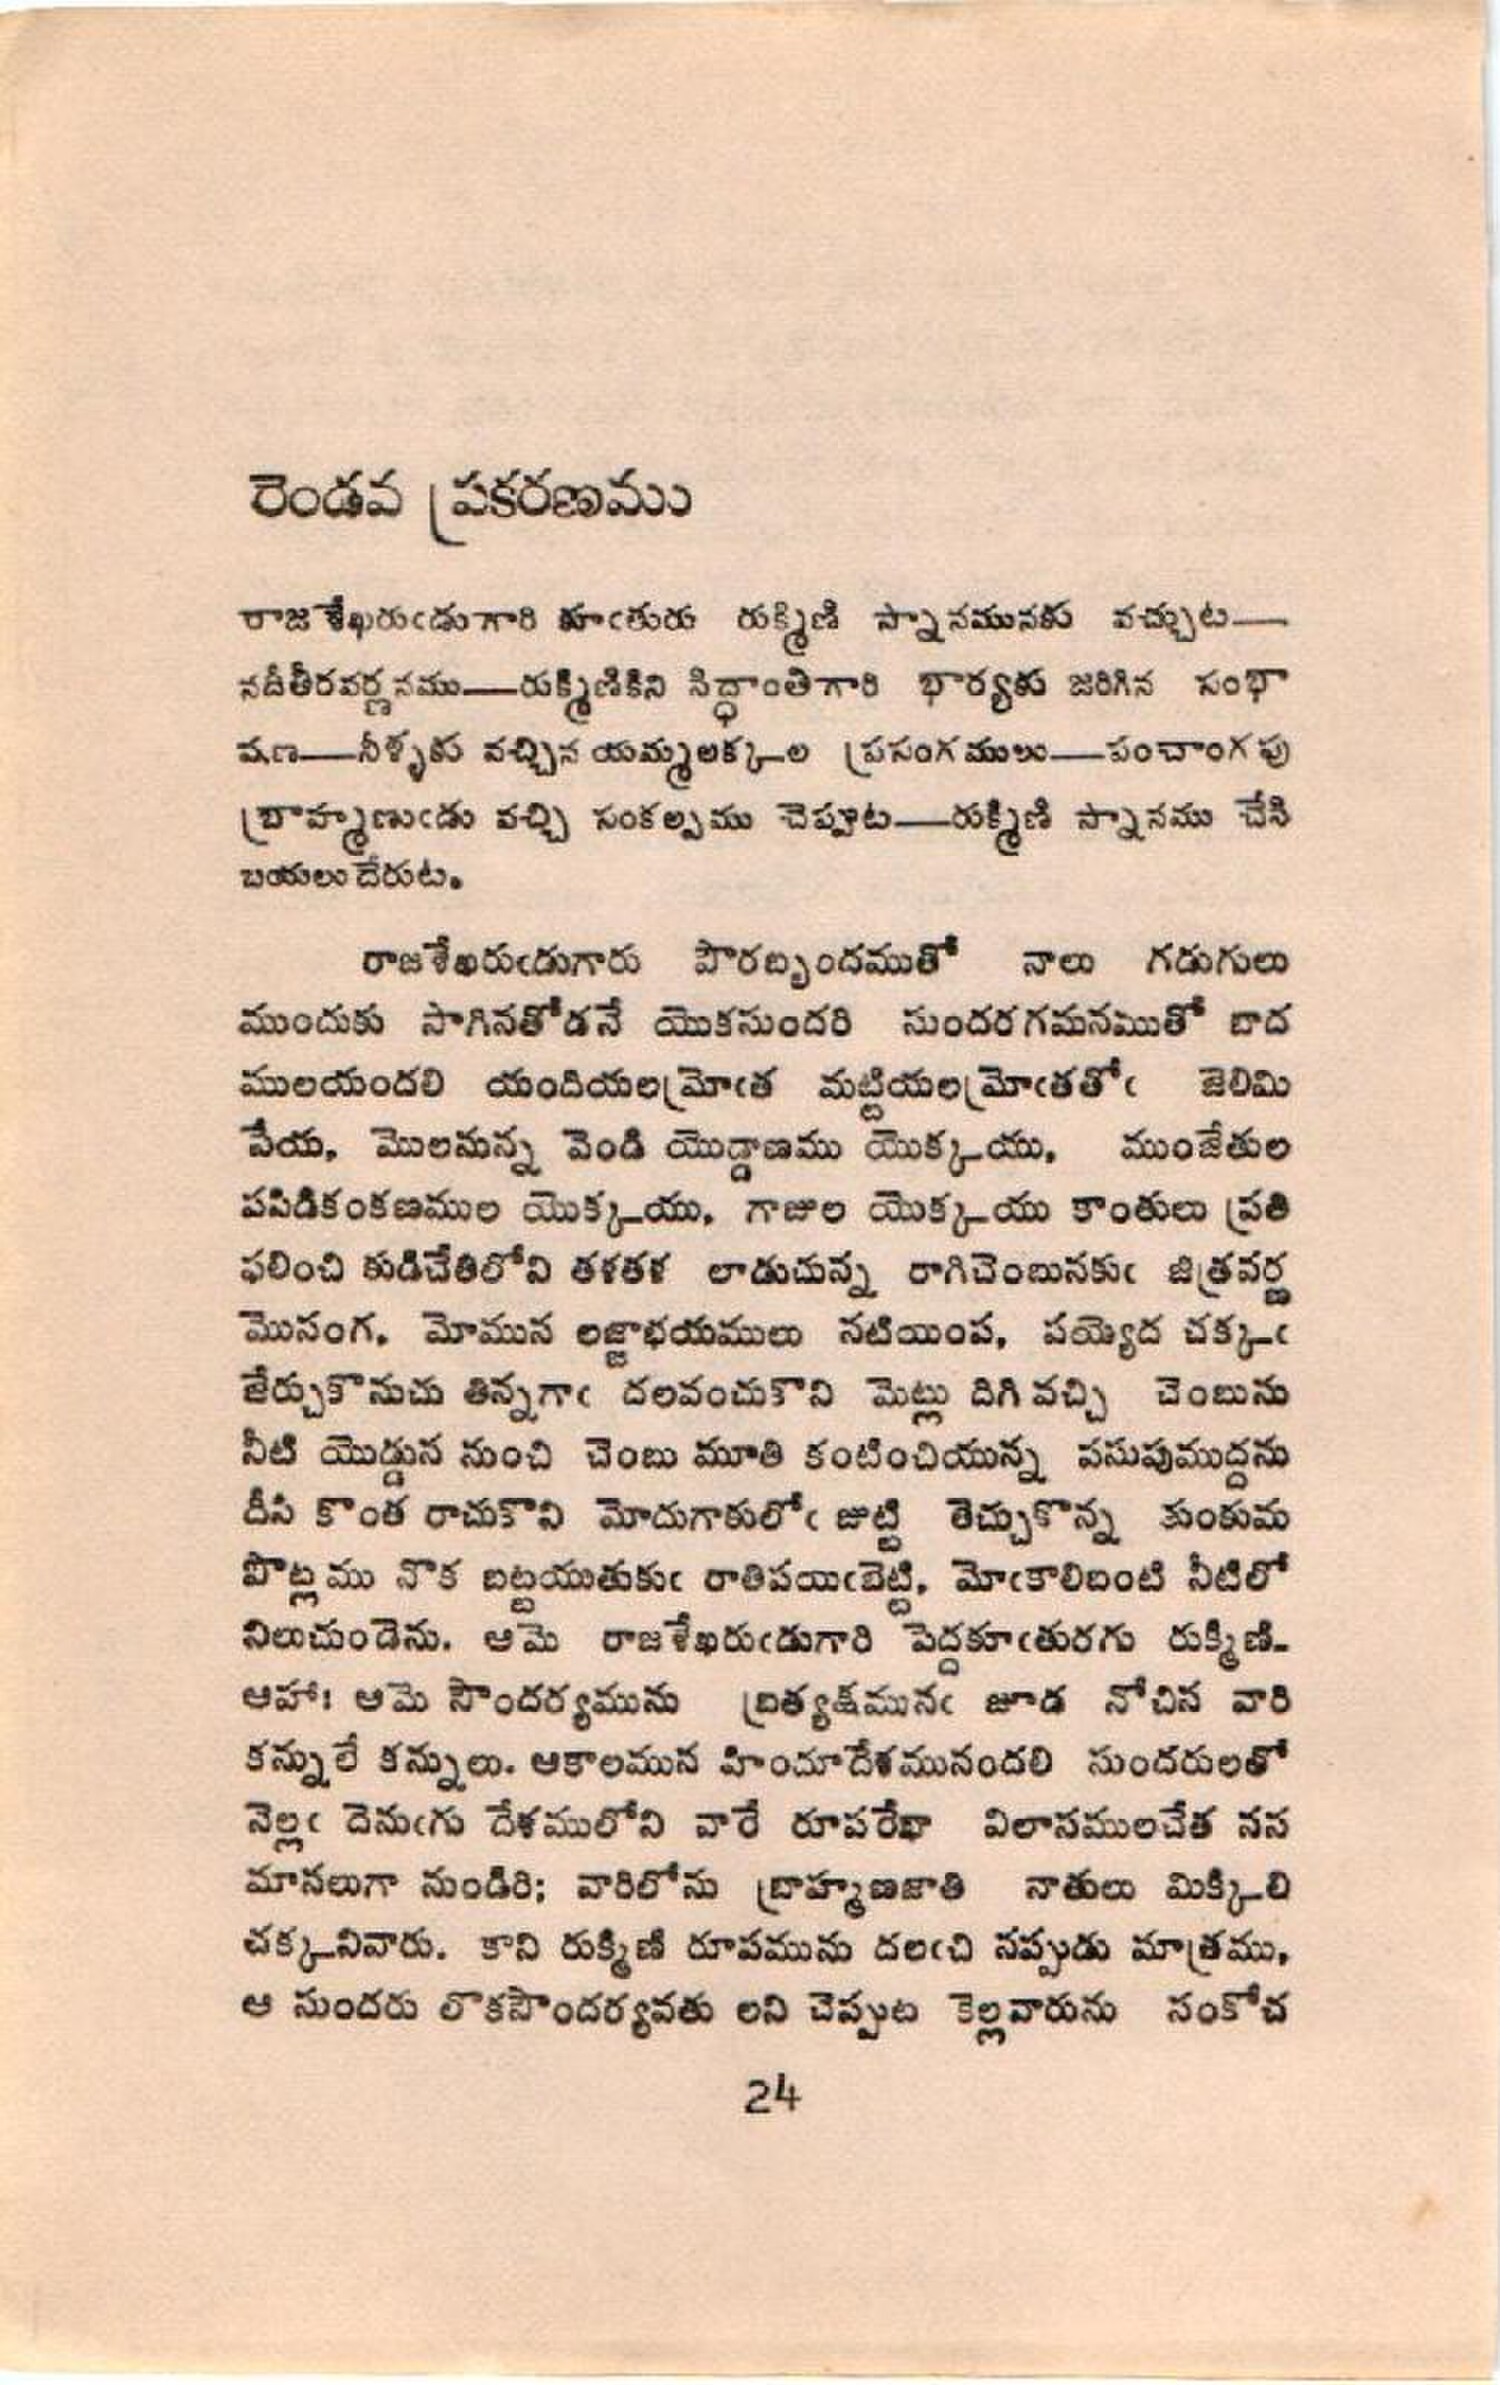రెండవ ప్రకరణము

రాజశేఖరుఁడుగారు పౌరబృందముతో నాలు గడుగులు ముందుకు సాగినతోడనే యొకసుందరి సుందరగమనముతో బాదములయందలి యందియలమ్రోఁత మట్టియల మ్రోఁతతోఁ జెలిమిసేయ, మొలనున్న వెండి యొడ్డాణము యొక్కయు, ముంజేతుల పసిడికంకణముల యొక్కయు, గాజుల యొక్కయు కాంతులు ప్రతి ఫలించి కుడిచేతిలోని తళతళ లాడుచున్న రాగిచెంబునకుఁ జిత్రవర్ణ మొసంగ, మోమున లజ్జాభయములు నటియింప, పయ్యెద చక్కఁజేర్చుకొనుచు తిన్నగాఁ దలవంచుకొని మెట్లు దిగి వచ్చి చెంబును నీటి యొడ్డున నుంచి చెంబు మూతి కంటించియున్న పసుపుముద్దను దీసి కొంత రాచుకొని మోదుగాకులోఁ జుట్టి తెచ్చుకొన్నకుంకుమ పొట్లము నొక బట్టయుతుకుఁ రాతిపయిఁబెట్టి, మోకాలిబంటి నీటిలో నిలుచుండెను. ఆమె రాజశేఖరుడుగారి పెద్దకూతురగు, రుక్మిణి. ఆహా! ఆమె సౌందర్యమును బ్రత్యక్షమునఁ జూడ నోచిన వారి కన్నులే కన్నులు. ఆకాలమున హిందూదేశమునందలి సుందరులతో నెల్లఁ దెనుఁగు దేశములోని వారే రూపరేఖా విలాసములచేత నసమానలుగా నుండిరి; వారిలోను బ్రాహ్మణజాతి నాతులు మిక్కిలి చక్కనివారు. కాని రుక్మిణి రూపమును దలఁచి నప్పుడు మాత్రము, ఆ సుందరు లొకసౌందర్యవతు లని చెప్పుట కెల్లవారును సంకోచ